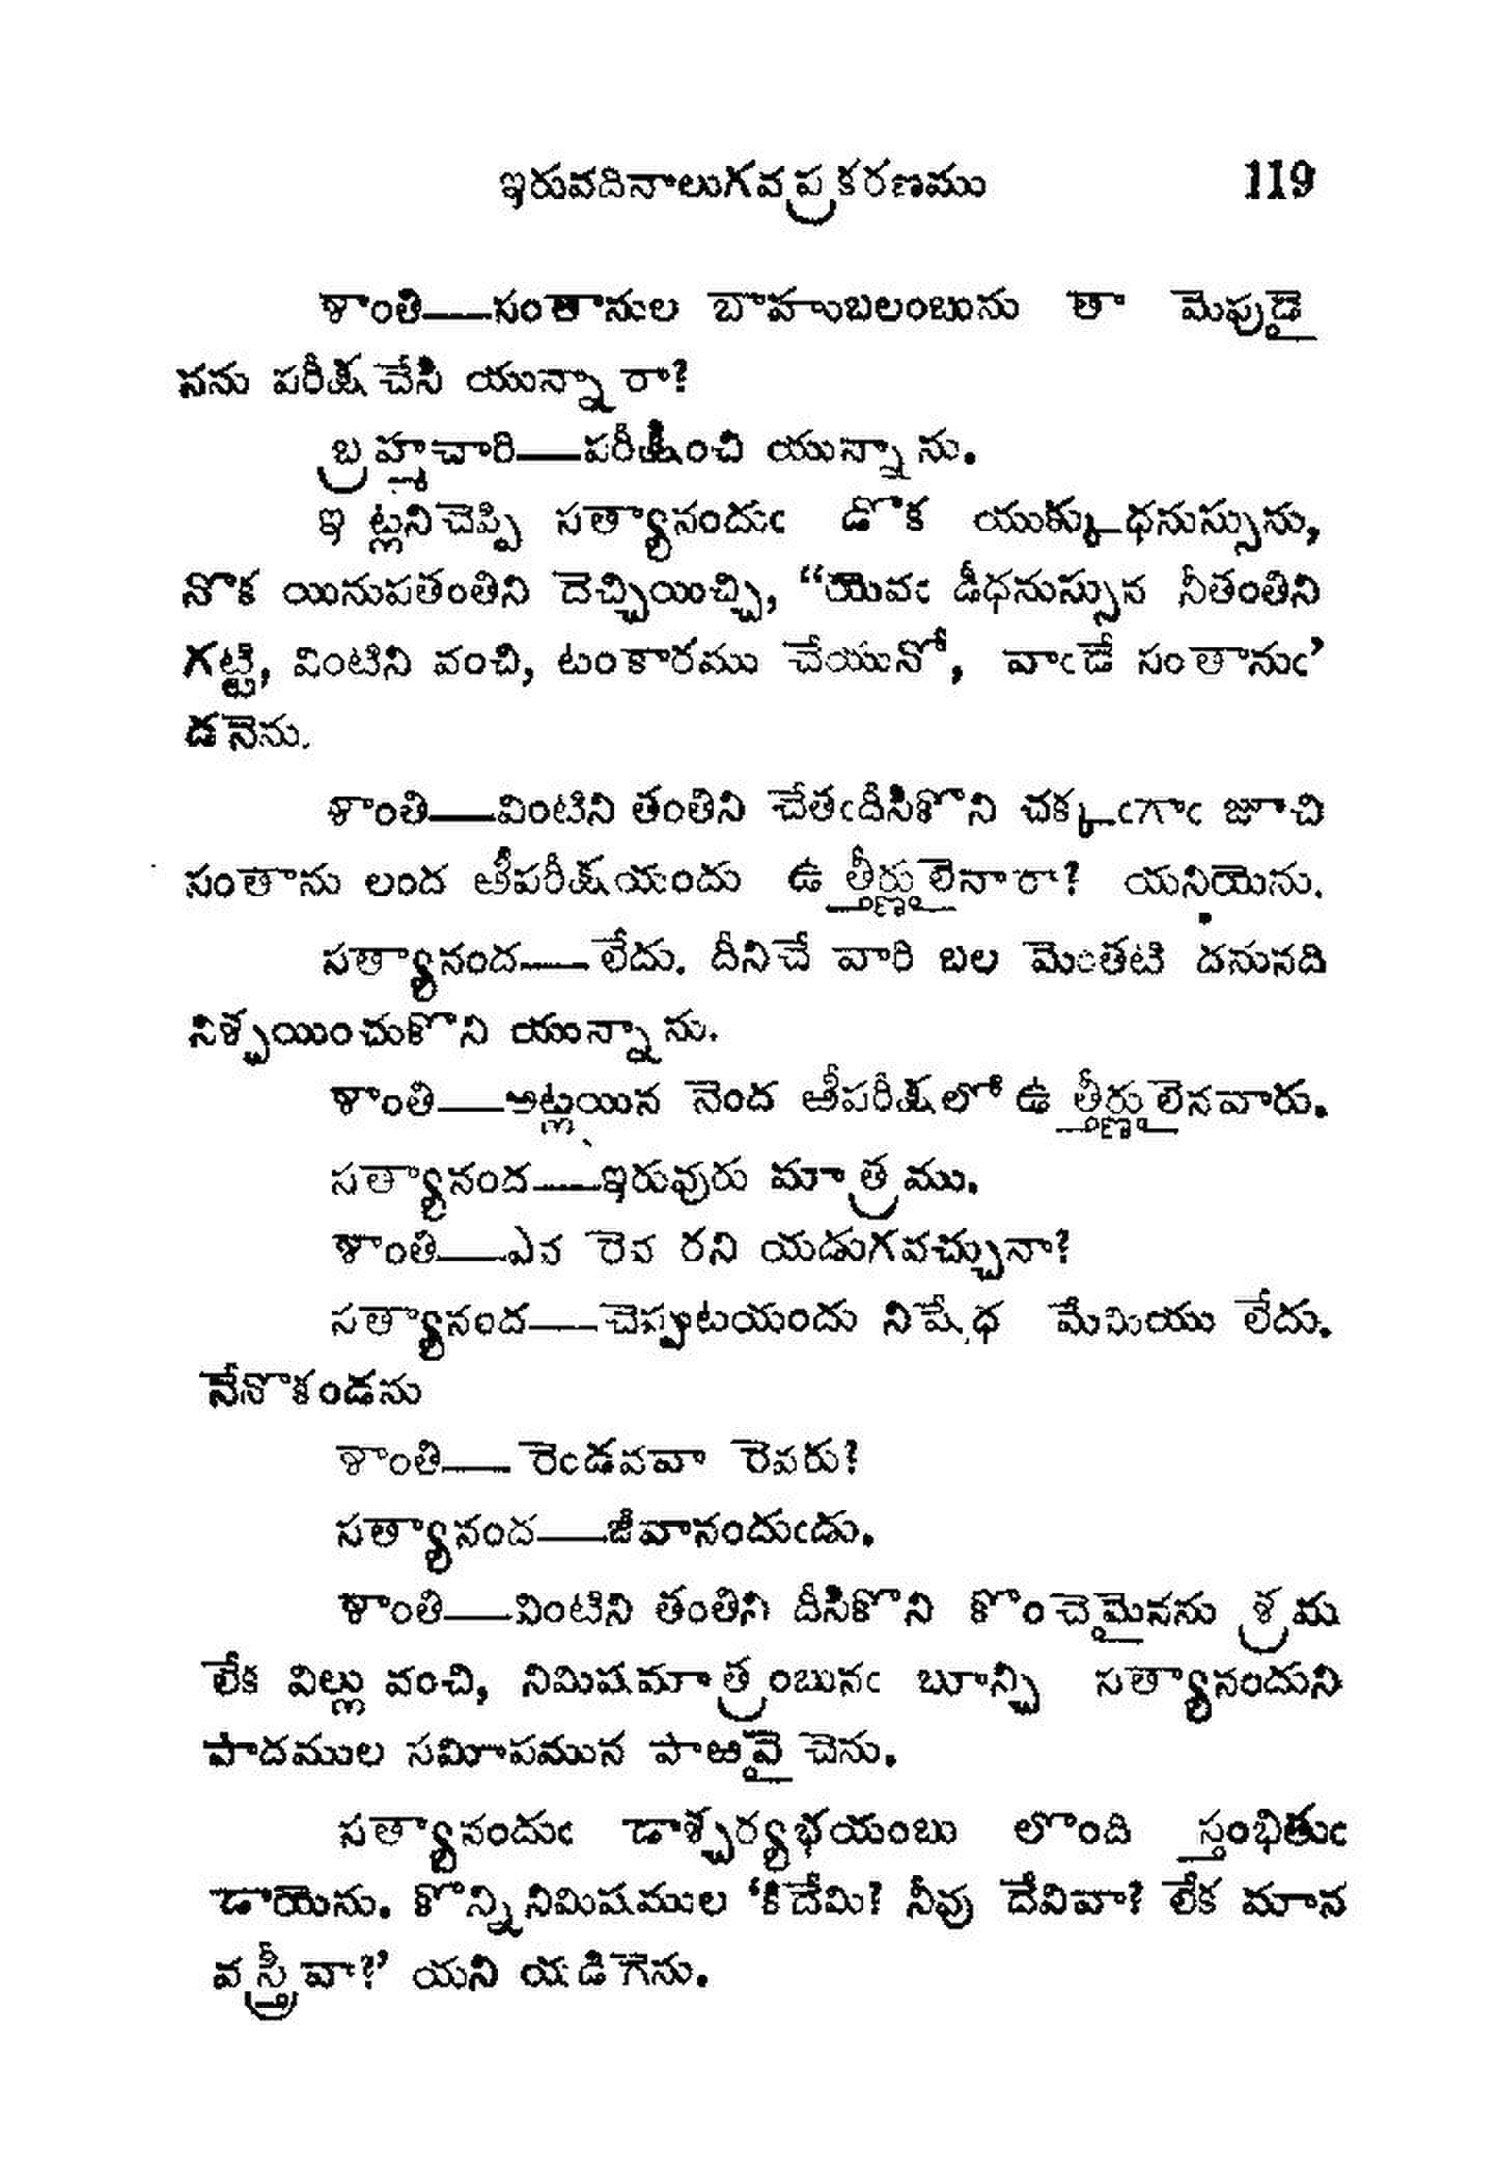శాంతి—— సంతానుల బాహుబలంబును తా మెపుడైనను పరీక్ష చేసి యున్నారా?

బ్రహ్మచారి—— పరీక్షించి యున్నాను.

ఇట్లని చెప్పి సత్యానందుఁ డొక యుక్కు ధనుస్సును, నొక యినుపతంతిని దెచ్చియిచ్చి, “యెవఁ డీధనుస్సున నీతంతిని
గట్టి, వింటిని వంచి, టంకారము చేయునో, వాఁడే సంతానుఁ'డనెను.

శాంతి——వింటిని తంతిని చేతఁ దీసికొని చక్కఁగాఁ జూచి సంతాను లంద ఱీపరీక్షయందు ఉత్తీర్ణులైనా రా? యనియెను.

సత్యానంద—— లేదు. దీనిచే వారి బల మెంతటి దనునది నిశ్చయించుకొని యున్నాను,

శాంతి——అట్లయిన నెంద ఱీపరీక్షలో ఉత్తీర్ణులైన వారు.

సత్యానంద—— ఇరువురు మాత్రము,

శాంతి——ఎవ రెవ రని యడుగవచ్చునా?

సత్యానంద——చెప్పుటయందు నిషేధ మేమియు లేదు. నేనొకండను

శాంతి—— రెండవవా రెవరు?

సత్యానంద—— జీవానందుఁడు.

శాంతి——వింటిని తంతిని దీసికొని కొంచెమైనను శ్రమ లేక విల్లు వంచి, నిమిషమాత్రంబునఁ బూన్చి సత్యానందుని
పాదముల సమీపమున పాఱవై చెను.

సత్యానందుఁ డాశ్చర్యభయంబు లొంది స్తంభితుఁ డాయెను. కొన్ని నిమిషముల కిదేమి? నీవు దేవివా? లేక మానవస్త్రీ వా!' యని యడిగెను.